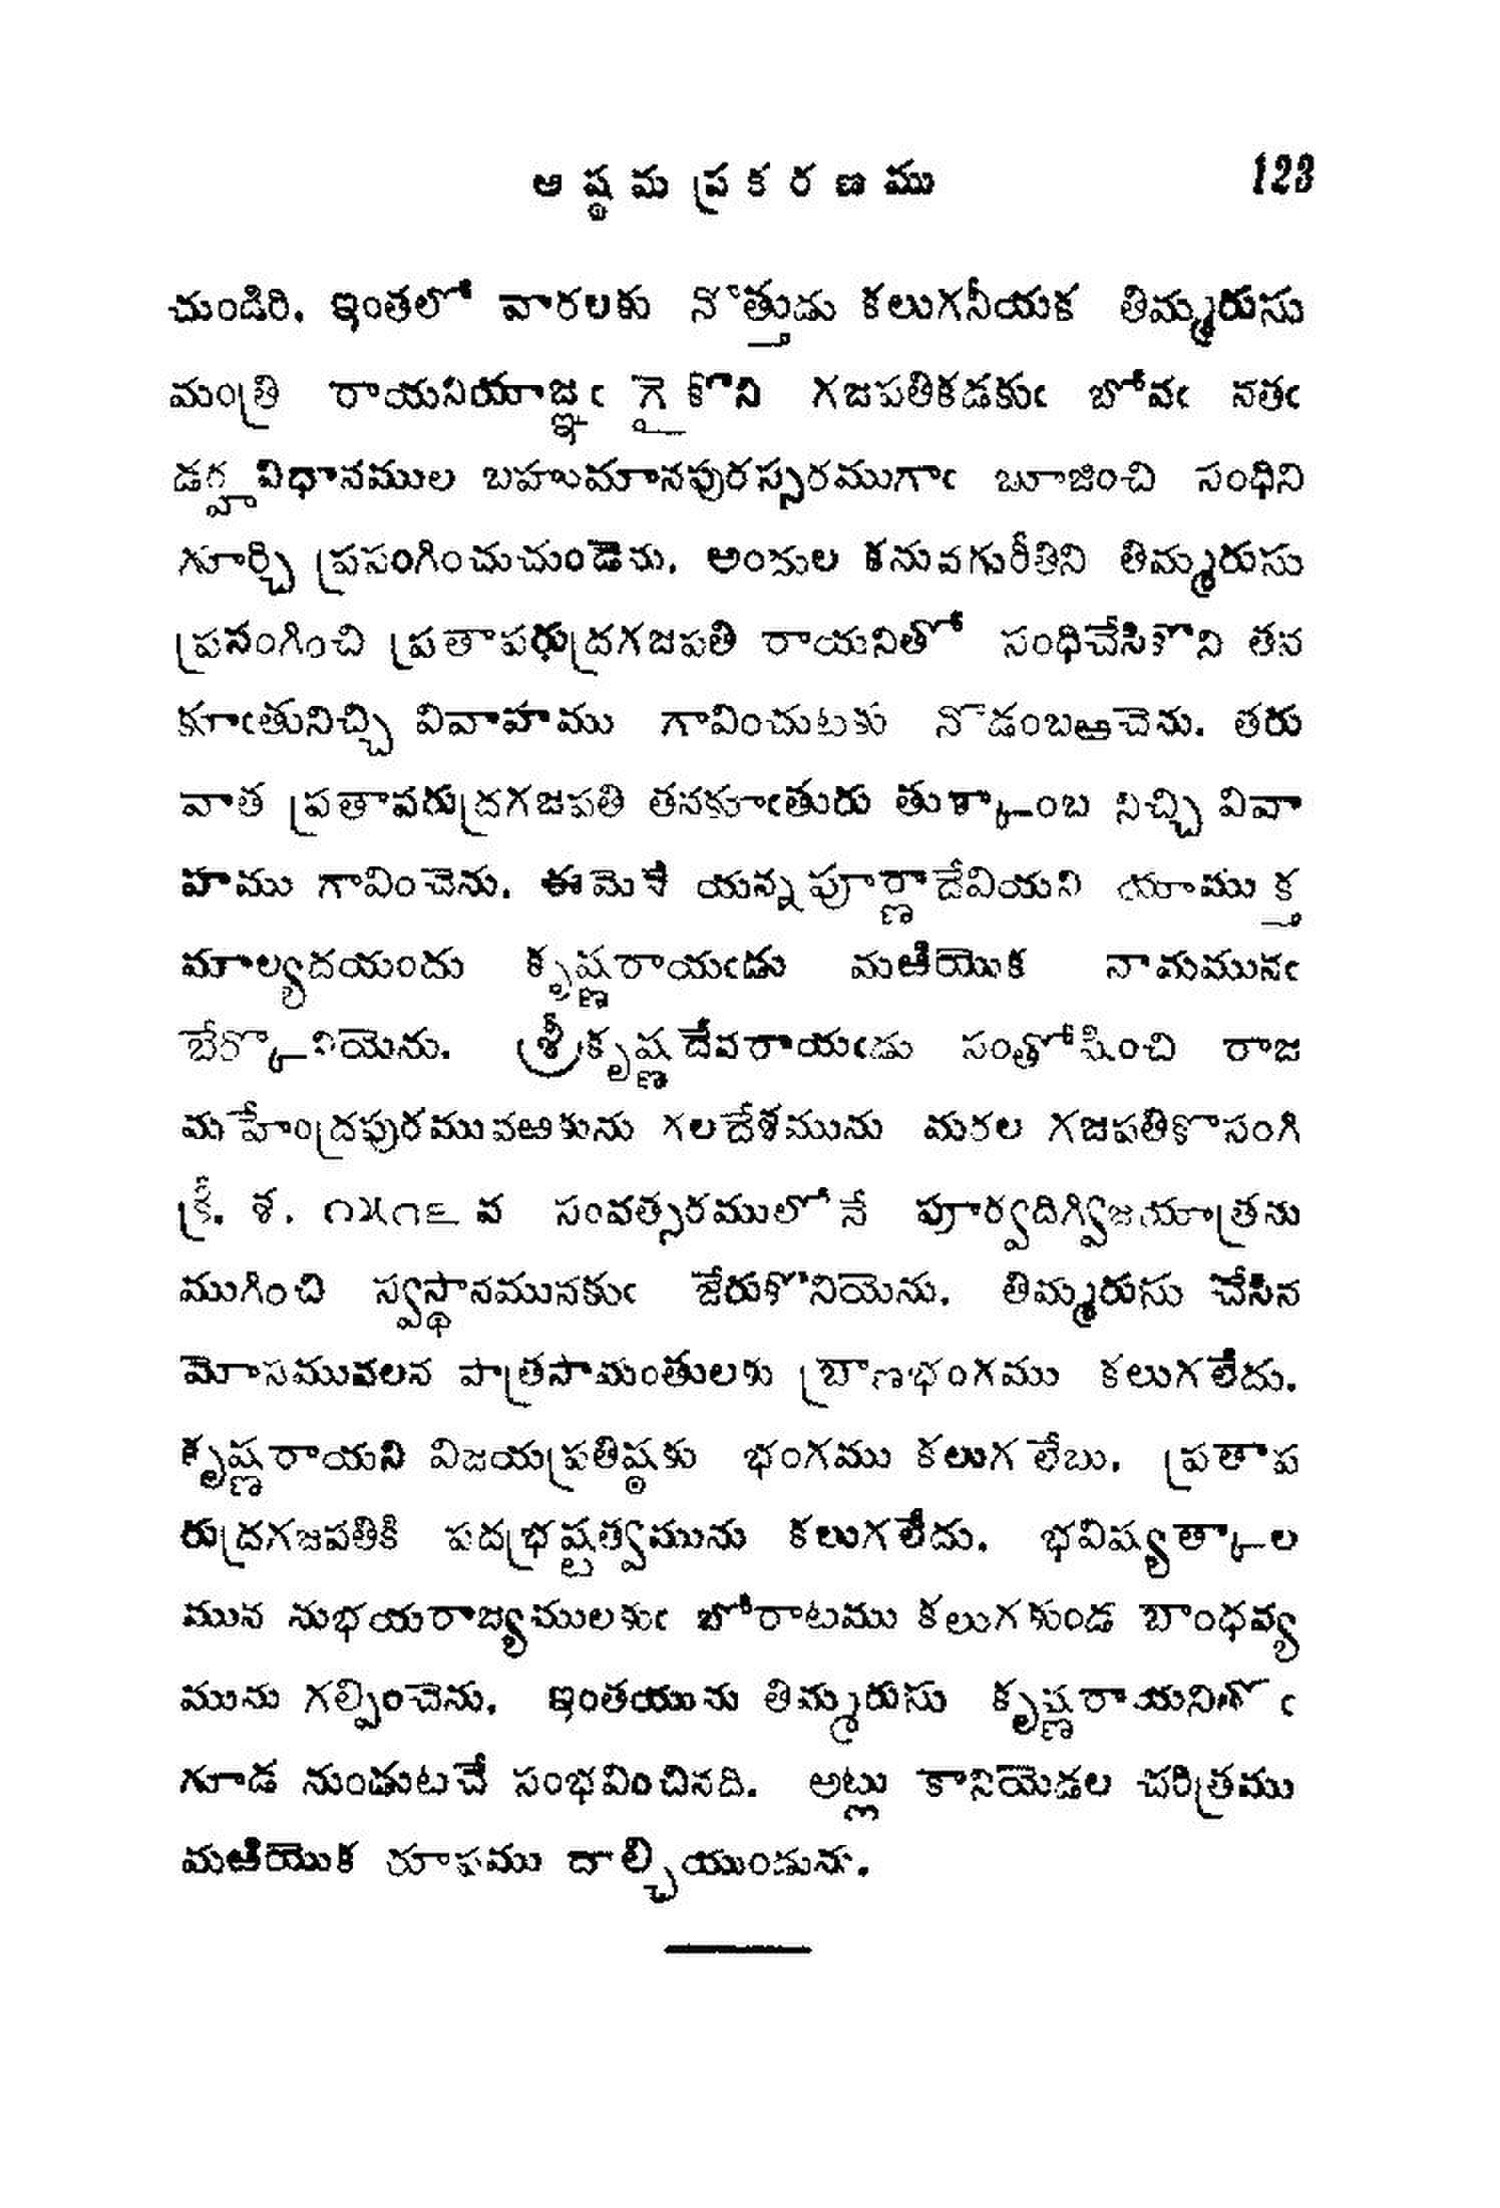చుండిరి. ఇంతలో వారలకు నొత్తుడు కలుగనీయక తిమ్మరుసుమంత్రి రాయనియాజ్ఞఁ గైకొని గజపతికడకుఁ బోవఁ నతఁ డర్హవిధానముల బహుమానపురస్సరముగాఁ బూజించి సంధిని గూర్చి ప్రసంగించుచుండెను. అందుల కనువగురీతిని తిమ్మరుసు ప్రసంగించి ప్రతాపరుద్రగజపతి రాయనితో సంధిచేసికొని తన కూఁతునిచ్చి వివాహము గావించుటకు నొడంబఱచెను. తరువాత ప్రతాపరుద్రగజపతి తనరూఁతురు తుక్కాంబ నిచ్చి వివాహము గావించెను. ఈమెనే యన్నపూర్ణాదేవియని యాముక్త మాల్యదయందు కృష్ణరాయఁడు మఱియొక నామమునఁ బేర్కొనియెను. శ్రీకృష్ణదేవరాయఁడు సంతోషించి రాజుమహేంద్రపురమువఱకును గలదేశమును మరల గజపతికొసంగి క్రీ. శ. 1516 వ సంవత్సరములోనే పూర్వదిగ్విజుయాత్రను ముగించి స్వస్థానమునకుఁ జేరుకొనియెను. తిమ్మరుసు చేసిన మోసమువలన పాత్రసామంతులకు బ్రాణభంగము కలుగలేదు. కృష్ణరాయని విజయప్రతిష్ఠకు భంగము కలుగలేదు. ప్రతాప రుద్రగజపతికి పదభ్రష్టత్వమును కలుగలేదు. భవిష్యత్కాలమున నుభయరాజ్యములకుఁ బోరాటము కలుగకుండ బాంధవ్వమును గల్పించెను. ఇంతయును తిమ్మరుసు కృష్ణరాయనితో గూడ నుండుటచే సంభవించినది. అట్లు కానియెడల చరిత్రము మఱియొక రూపము దాల్చియుండును.

__________